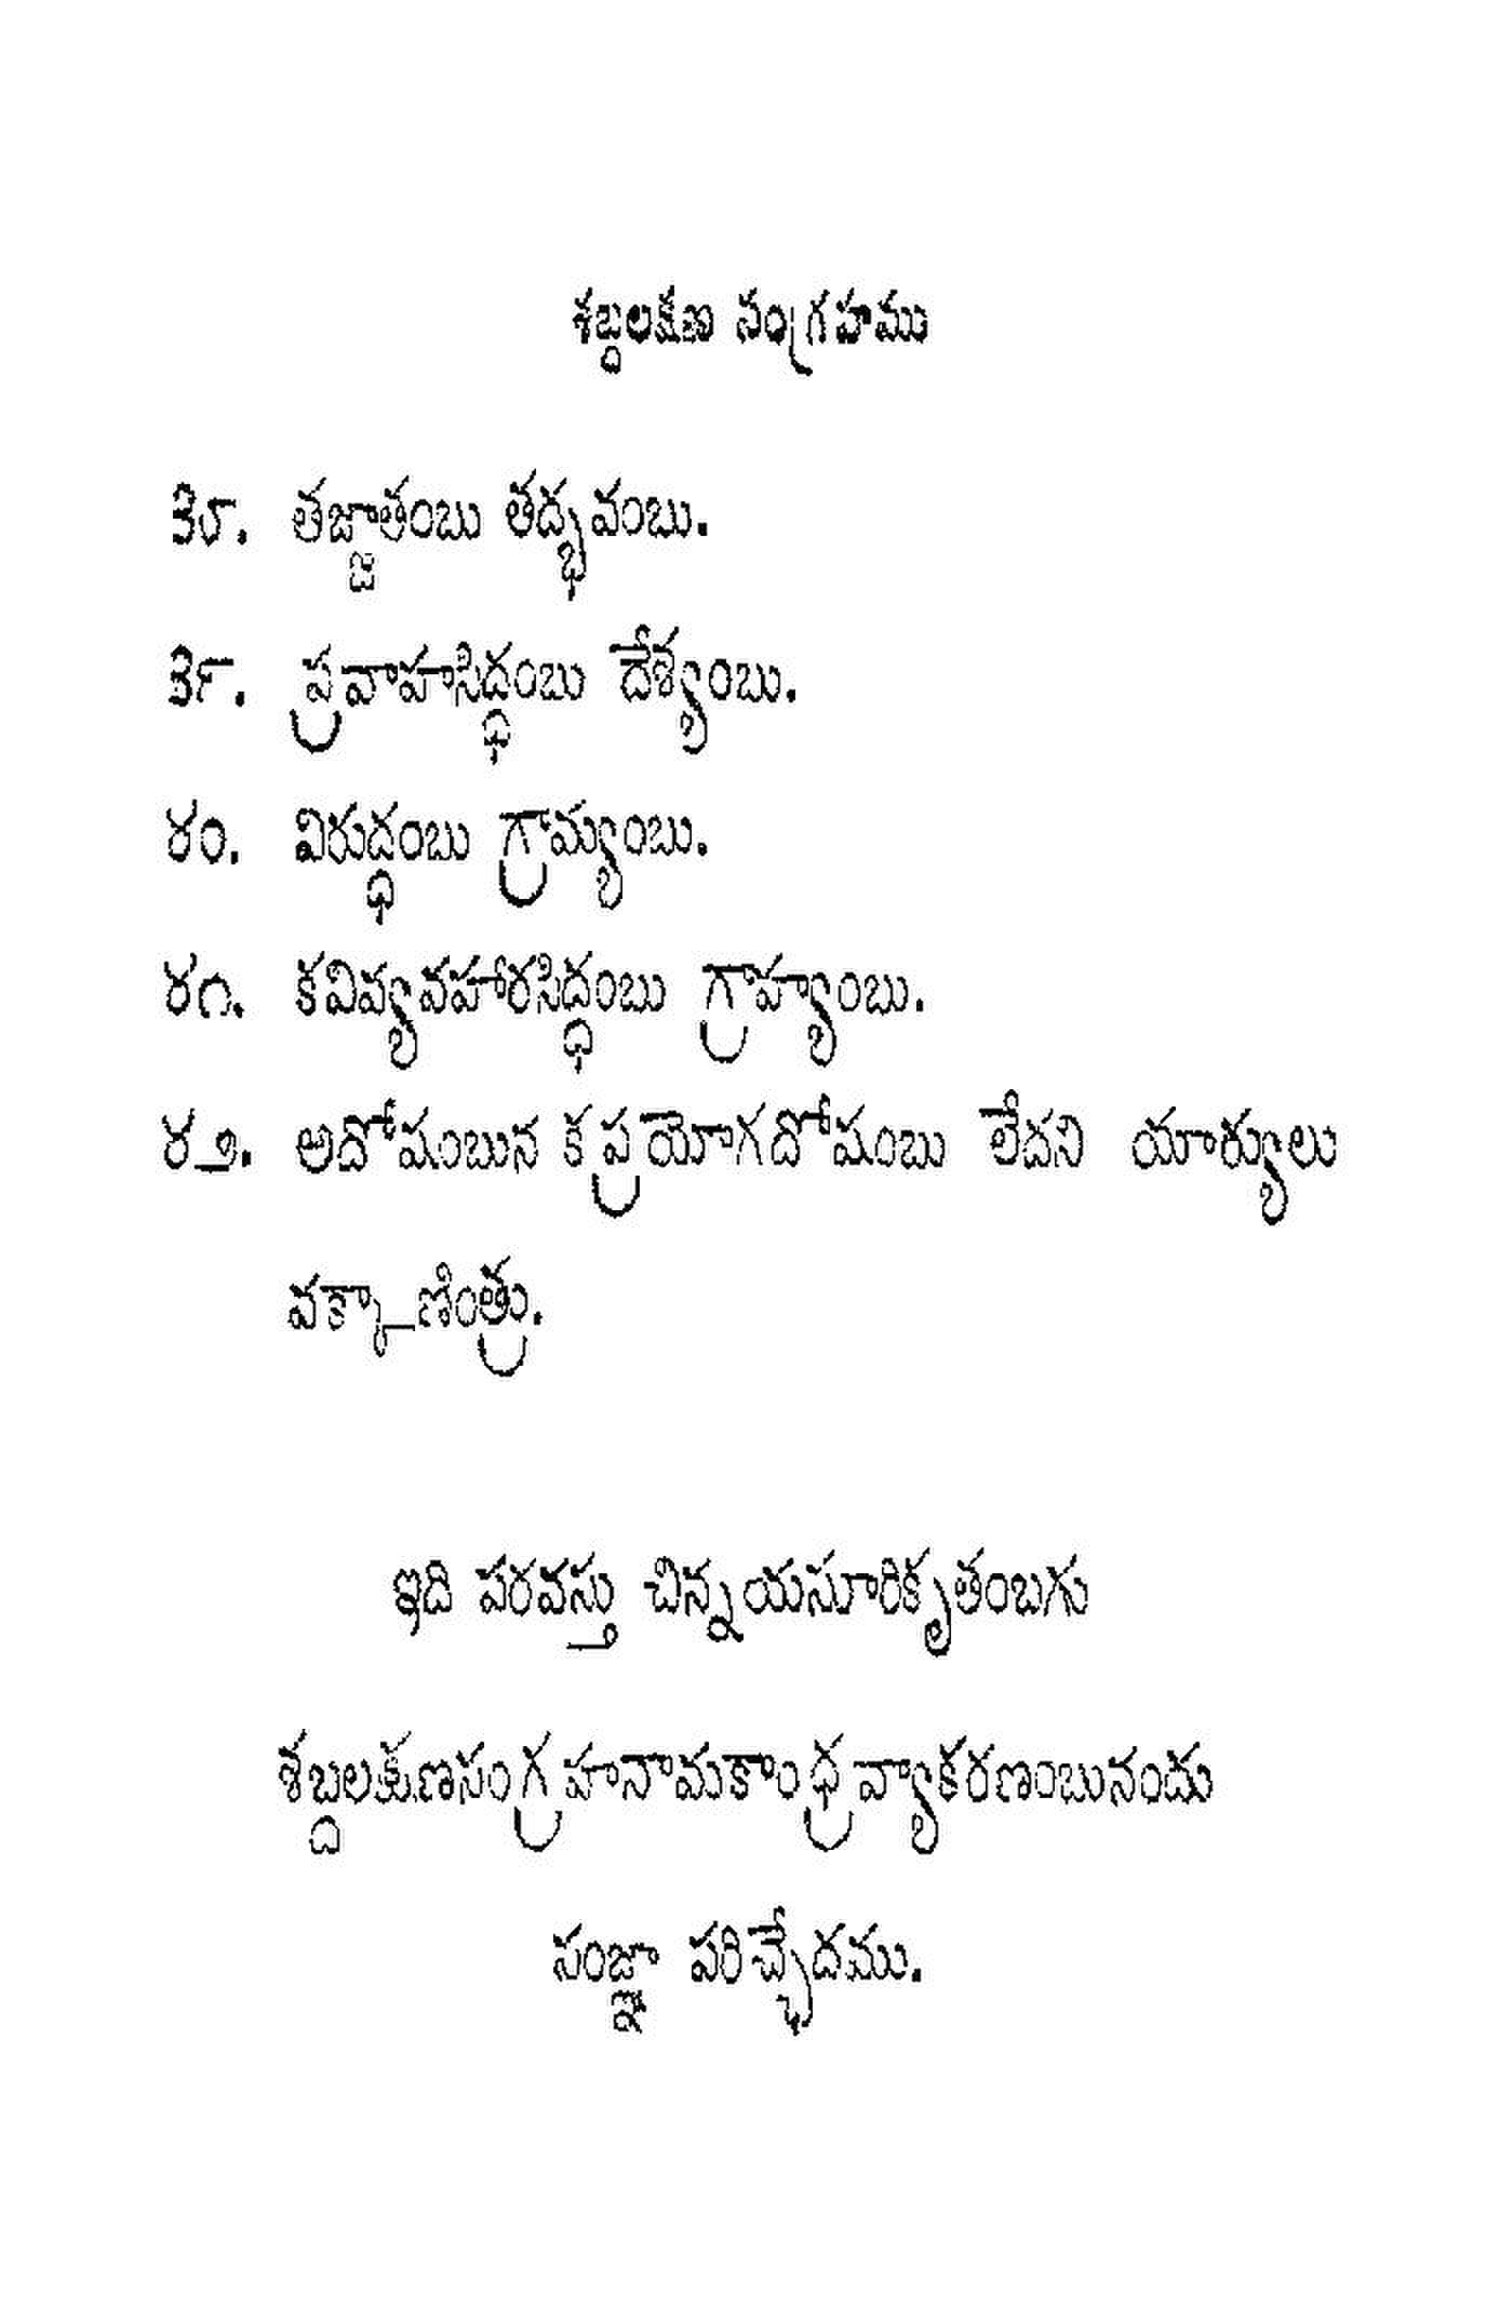38. తజ్జాతంబు తద్భవంబు. 

39. ప్రవాహసిద్ధంబు దేశ్యంబు. 

40. విరుద్దంబు గ్రామ్యంబు. 

41. కవివ్యవహారసిద్ధంబు గ్రాహ్యంబు. 

42. అదోషంబున కప్రయోగదోషంబు లేదని యార్యులు వక్కాణింత్రు.

ఇది పరవస్తు చిన్నయసూరికృతంబగు 
శబ్దలక్షణసంగ్రహనామకాంధ్రవ్యాకరణంబునందు
సంజ్ఞా పరిచ్ఛేదము.